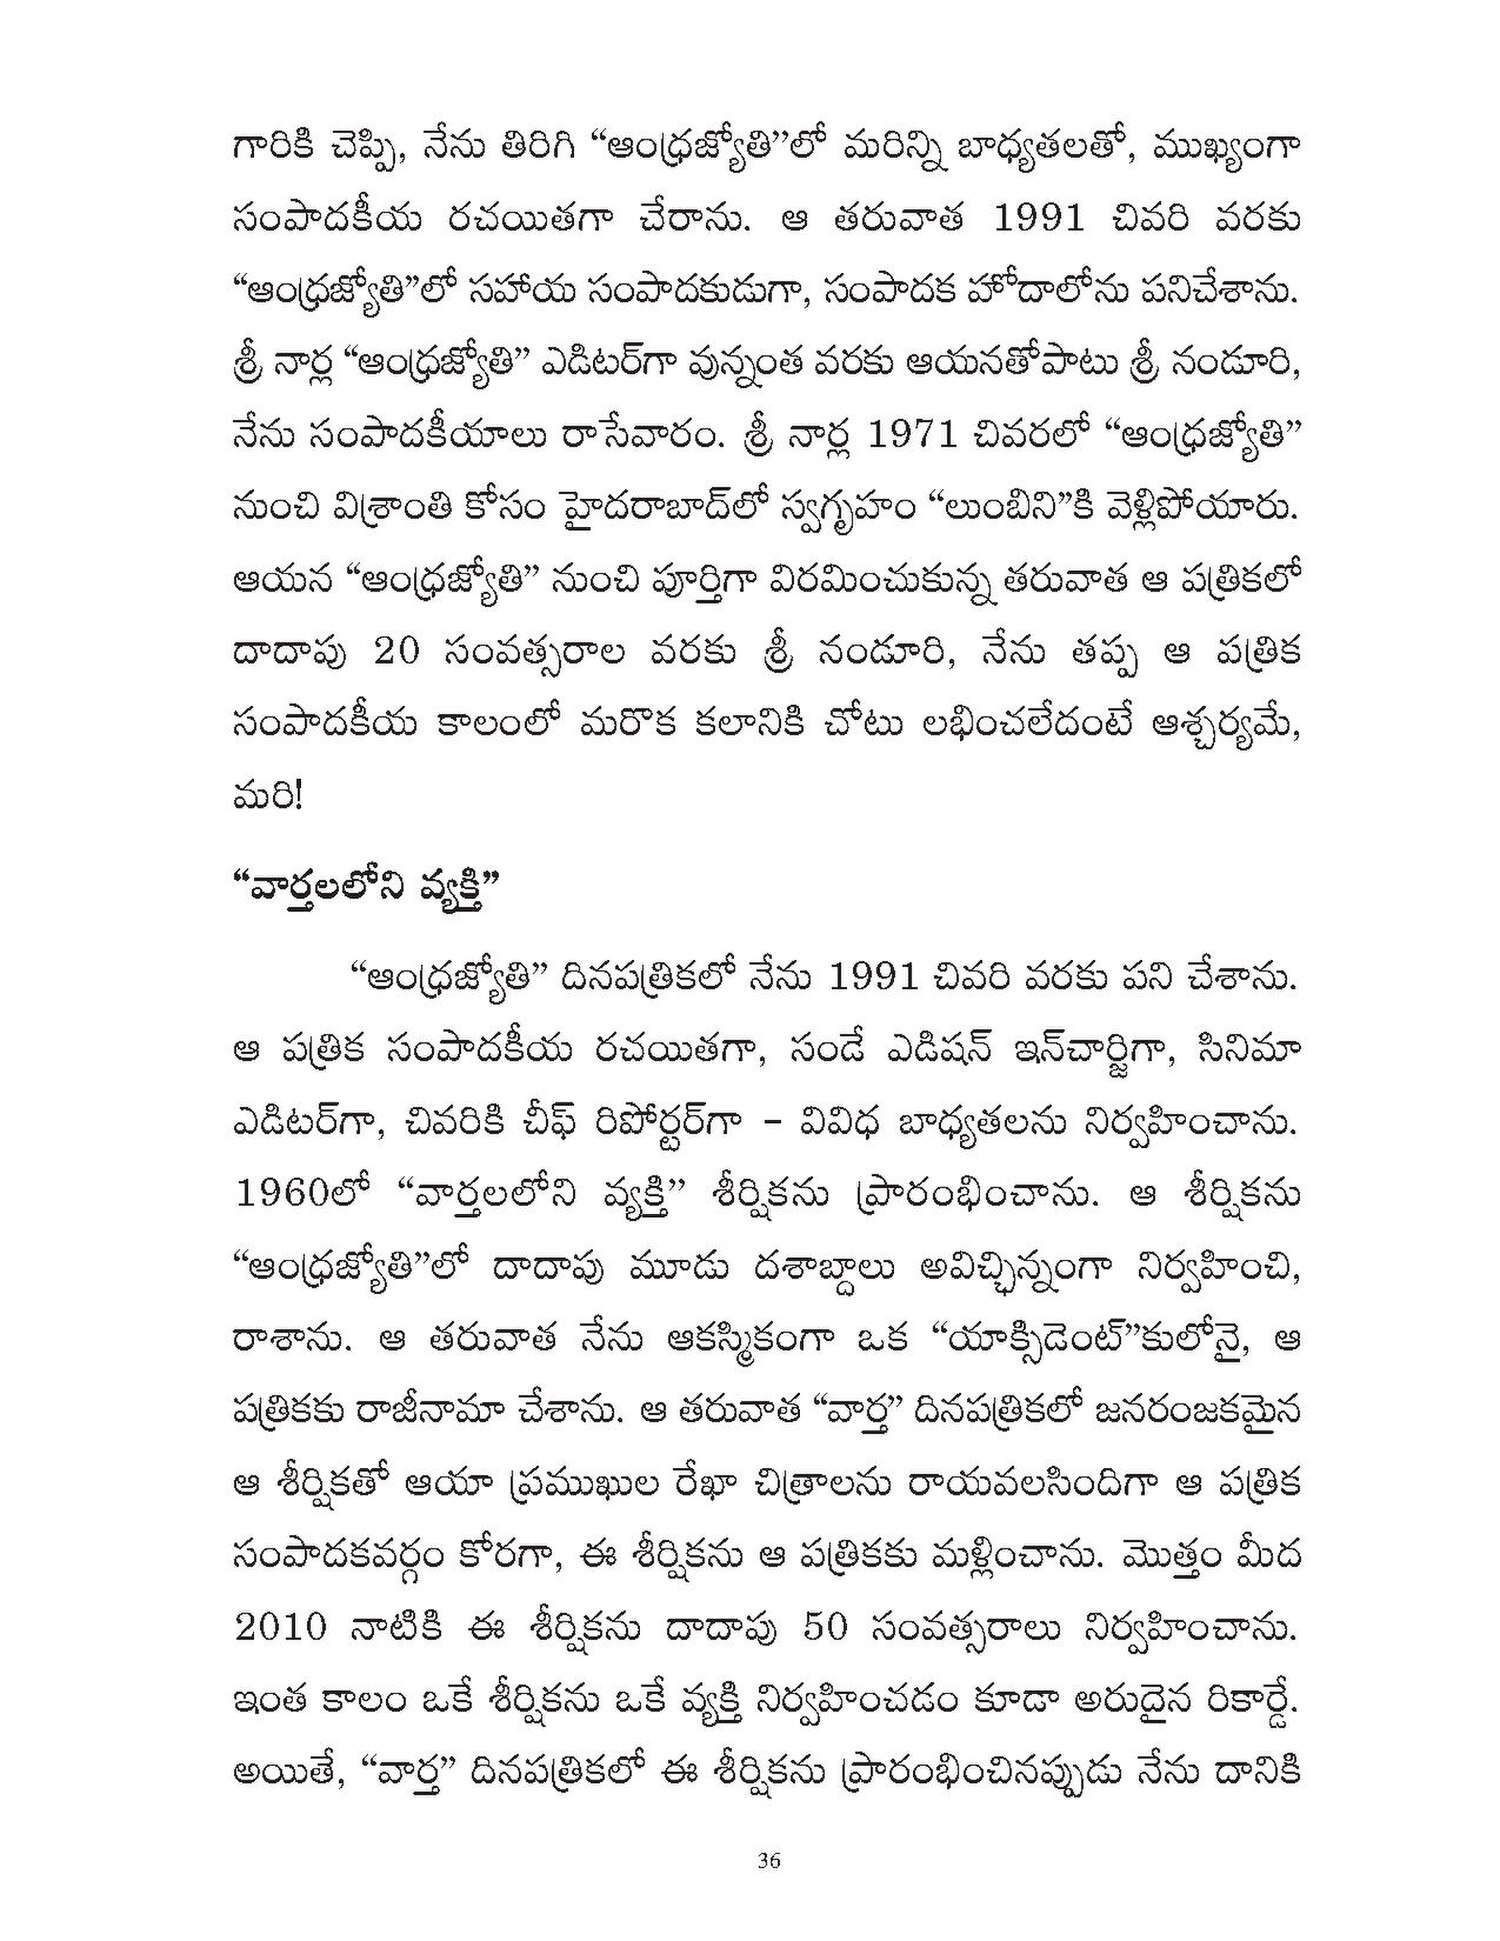గారికి చెప్పి, నేను తిరిగి "ఆంధ్రజ్యోతి"లో మరిన్ని బాధ్యతలతో, ముఖ్యంగా
సంపాదకీయ రచయితగా చేరాను. ఆ తరువాత 1991 చివరి వరకు
"ఆంధ్రజ్యోతి"లో సహాయ సంపాదకుడుగా, సంపాదక హోదాలోను పనిచేశాను.
శ్రీ నార్ల "ఆంధ్రజ్యోతి" ఎడిటర్‌గా వున్నంత వరకు ఆయనతోపాటు శ్రీ నండూరి,
నేను సంపాదకీయాలు రాసేవారం. శ్రీ నార్ల 1971 చివరలో "ఆంధ్రజ్యోతి"
నుంచి విశ్రాంతి కోసం హైదరాబాద్‌లో స్వగృహం "లుంబిని"కి వెళ్లిపోయారు.
ఆయన "ఆంధ్రజ్యోతి" నుంచి పూర్తిగా విరమించుకున్న తరువాత ఆ పత్రికలో
దాదాపు 20 సంవత్సరాల వరకు శ్రీ నండూరి, నేను తప్ప ఆ పత్రిక
సంపాదకీయ కాలంలో మరొక కలానికి చోటు లభించలేదంటే ఆశ్చర్యమే,
మరి!
"వార్తలలోని వ్యక్తి"
"ఆంధ్రజ్యోతి" దినపత్రికలో నేను 1991 చివరి వరకు పని చేశాను.
ఆ పత్రిక సంపాదకీయ రచయితగా, సండే ఎడిషన్‌ ఇన్‌చార్జిగా, సినిమా
ఎడిటర్‌గా, చివరికి చీఫ్‌ రిపోర్టర్‌గా - వివిధ బాధ్యతలను నిర్వహించాను.
1960లో "వార్తలలోని వ్యక్తి" శీర్షికను ప్రారంభించాను. ఆ శీర్షికను
"ఆంధ్రజ్యోతి"లో దాదాపు మూడు దశాబ్దాలు అవిచ్ఛిన్నంగా నిర్వహించి,
రాశాను. ఆ తరువాత నేను ఆకస్మికంగా ఒక "యాక్సిడెంట్‌"కులోనై, ఆ
పత్రికకు రాజీనామా చేశాను. ఆ తరువాత "వార్త" దినపత్రికలో జనరంజకమైన
ఆ శీర్షికతో ఆయా ప్రముఖుల రేఖా చిత్రాలను రాయవలసిందిగా ఆ పత్రిక
సంపాదకవర్గం కోరగా, ఈ శీర్షికను ఆ పత్రికకు మళ్లించాను. మొత్తం మీద
2010 నాటికి ఈ శీర్షికను దాదాపు 50 సంవత్సరాలు నిర్వహించాను.
ఇంత కాలం ఒకే శీర్షికను ఒకే వ్యక్తి నిర్వహించం కూడా అరుదైన రికార్డే.
అయితే, "వార్త" దినపత్రికలో ఈ శీర్షికను ప్రారంభించినప్పుడు నేను దానికి